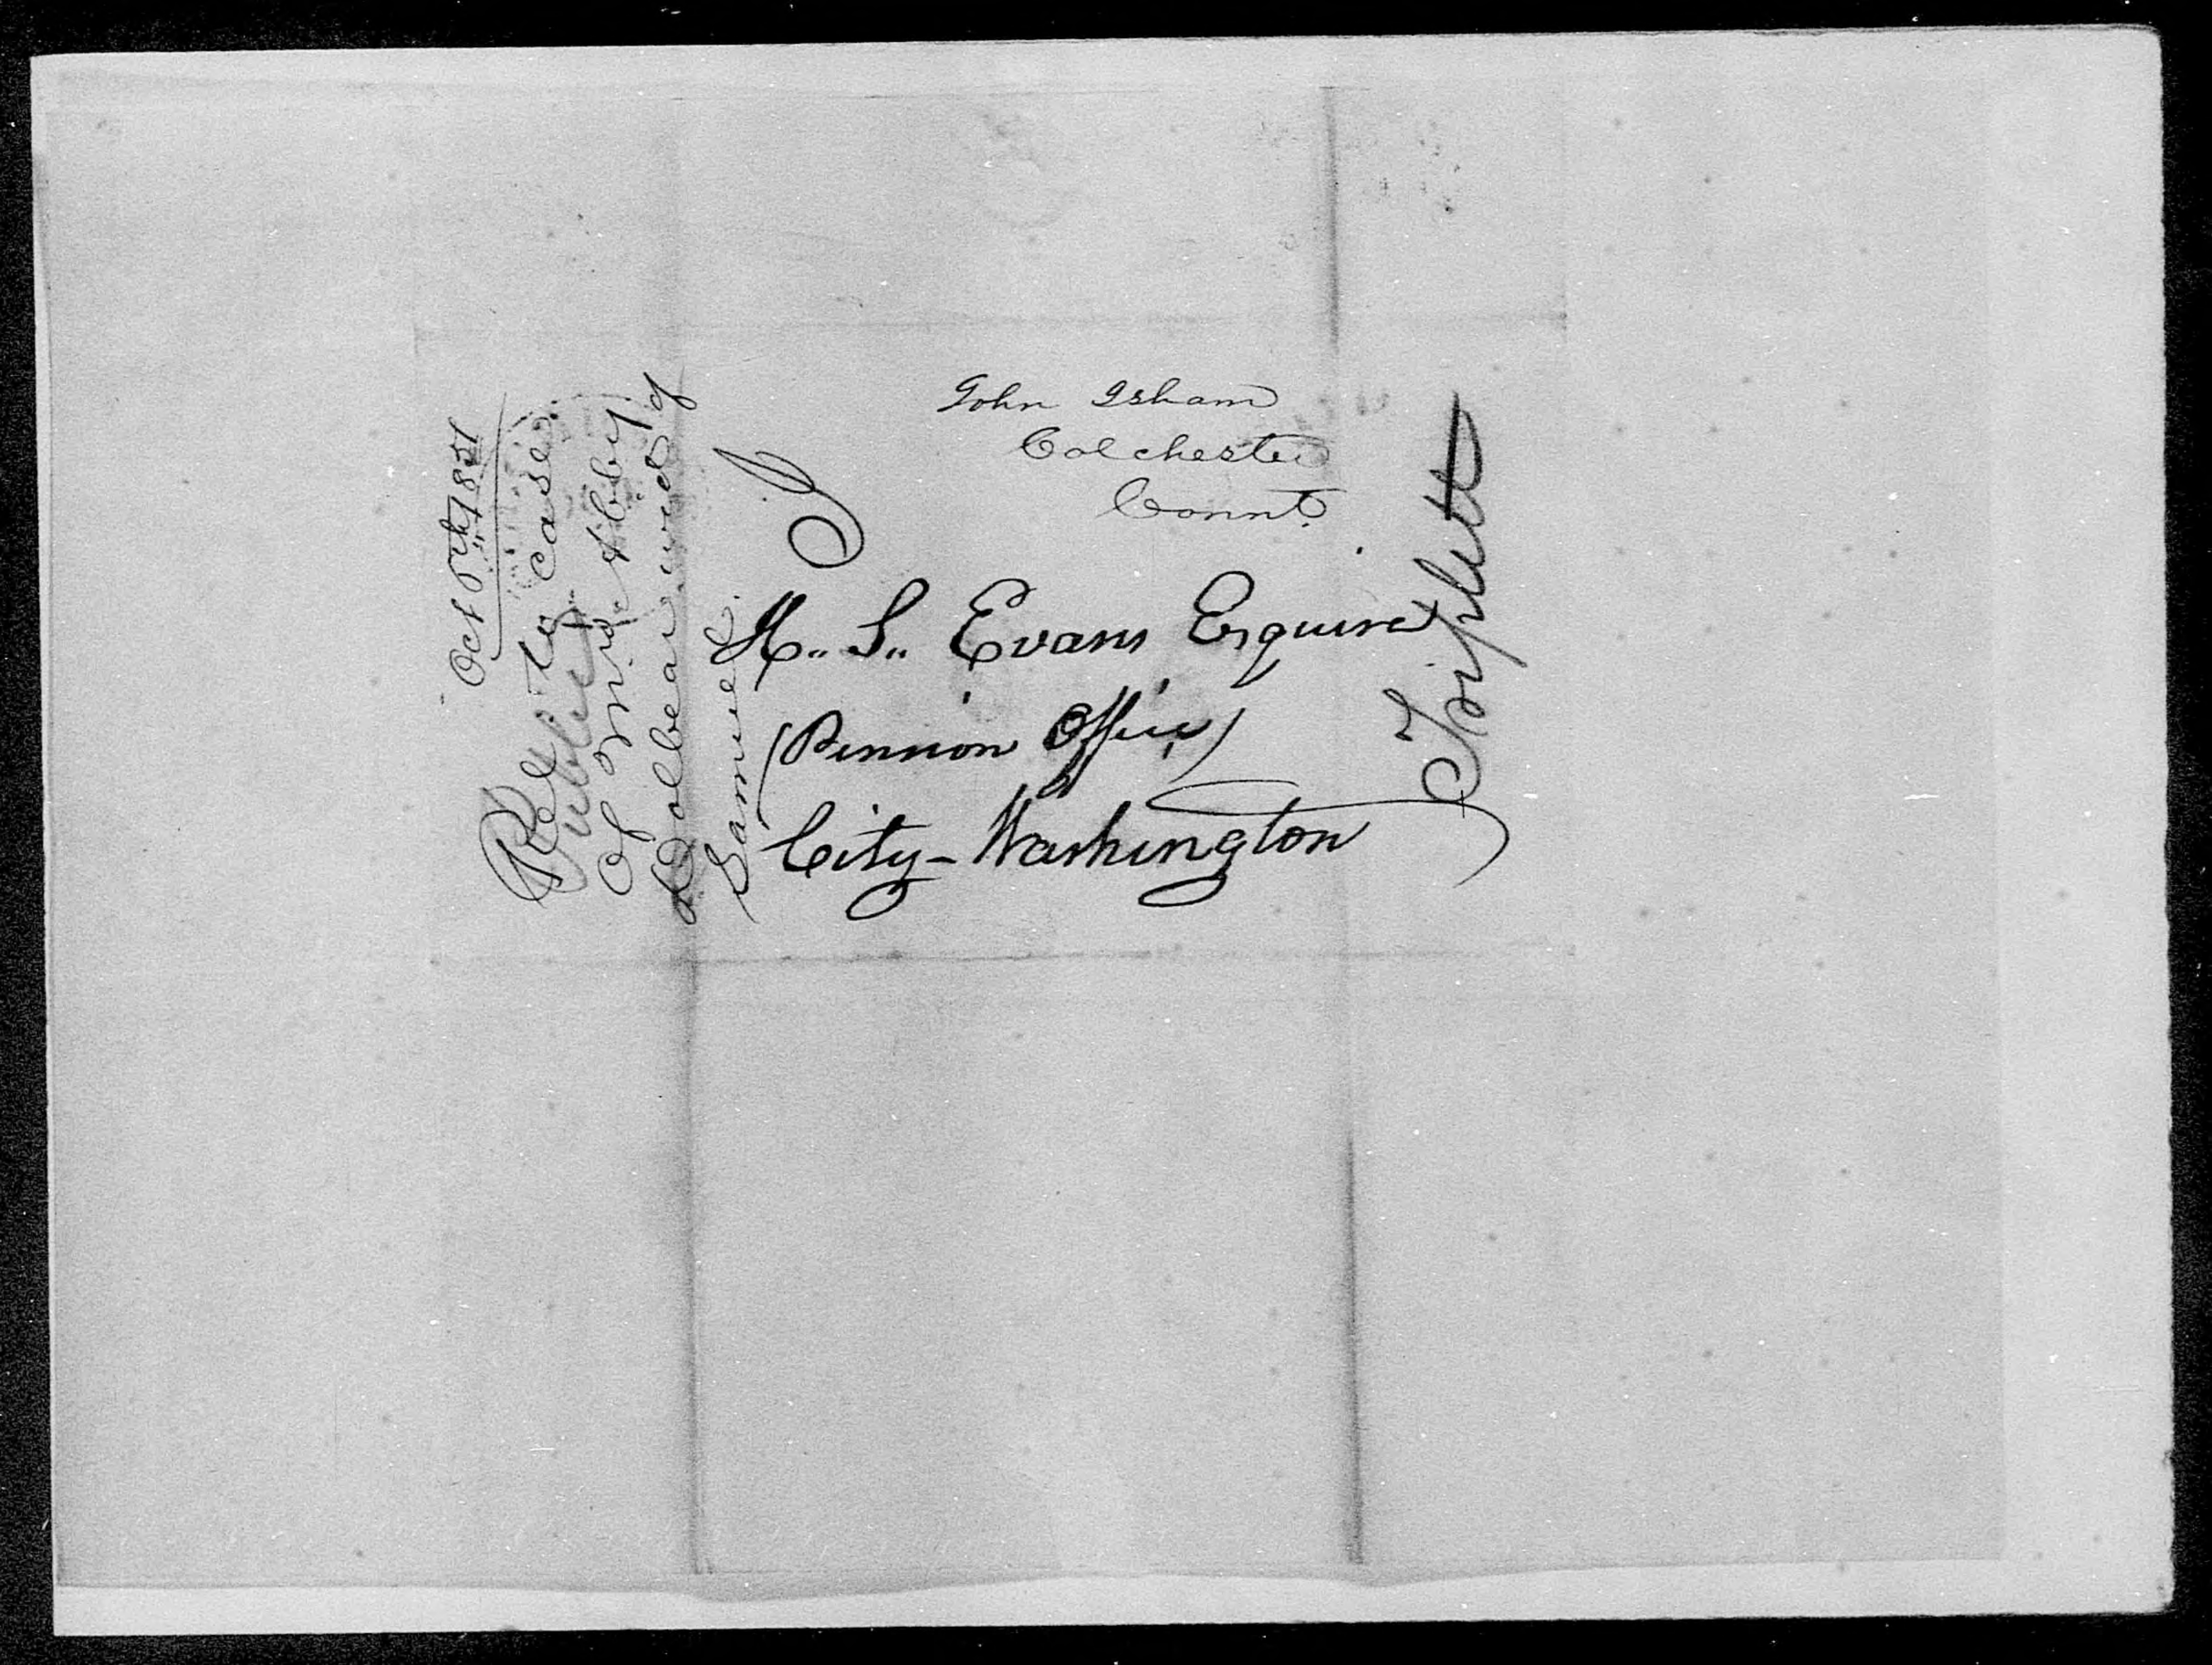H S Evans Esquire
(Pension Office)
City Washington

Oct 6th 1851
Rel. to case 
of Mrs. Abby 
Dolbear wid of 
Samuel

John Isham
Colchester
Connt.

Forfilett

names: Abby Dolbear, H S Evans, John Isham, Samuel Dolbear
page: 31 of 53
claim: rejected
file: R. 3732, Jesse Fox, Conn.